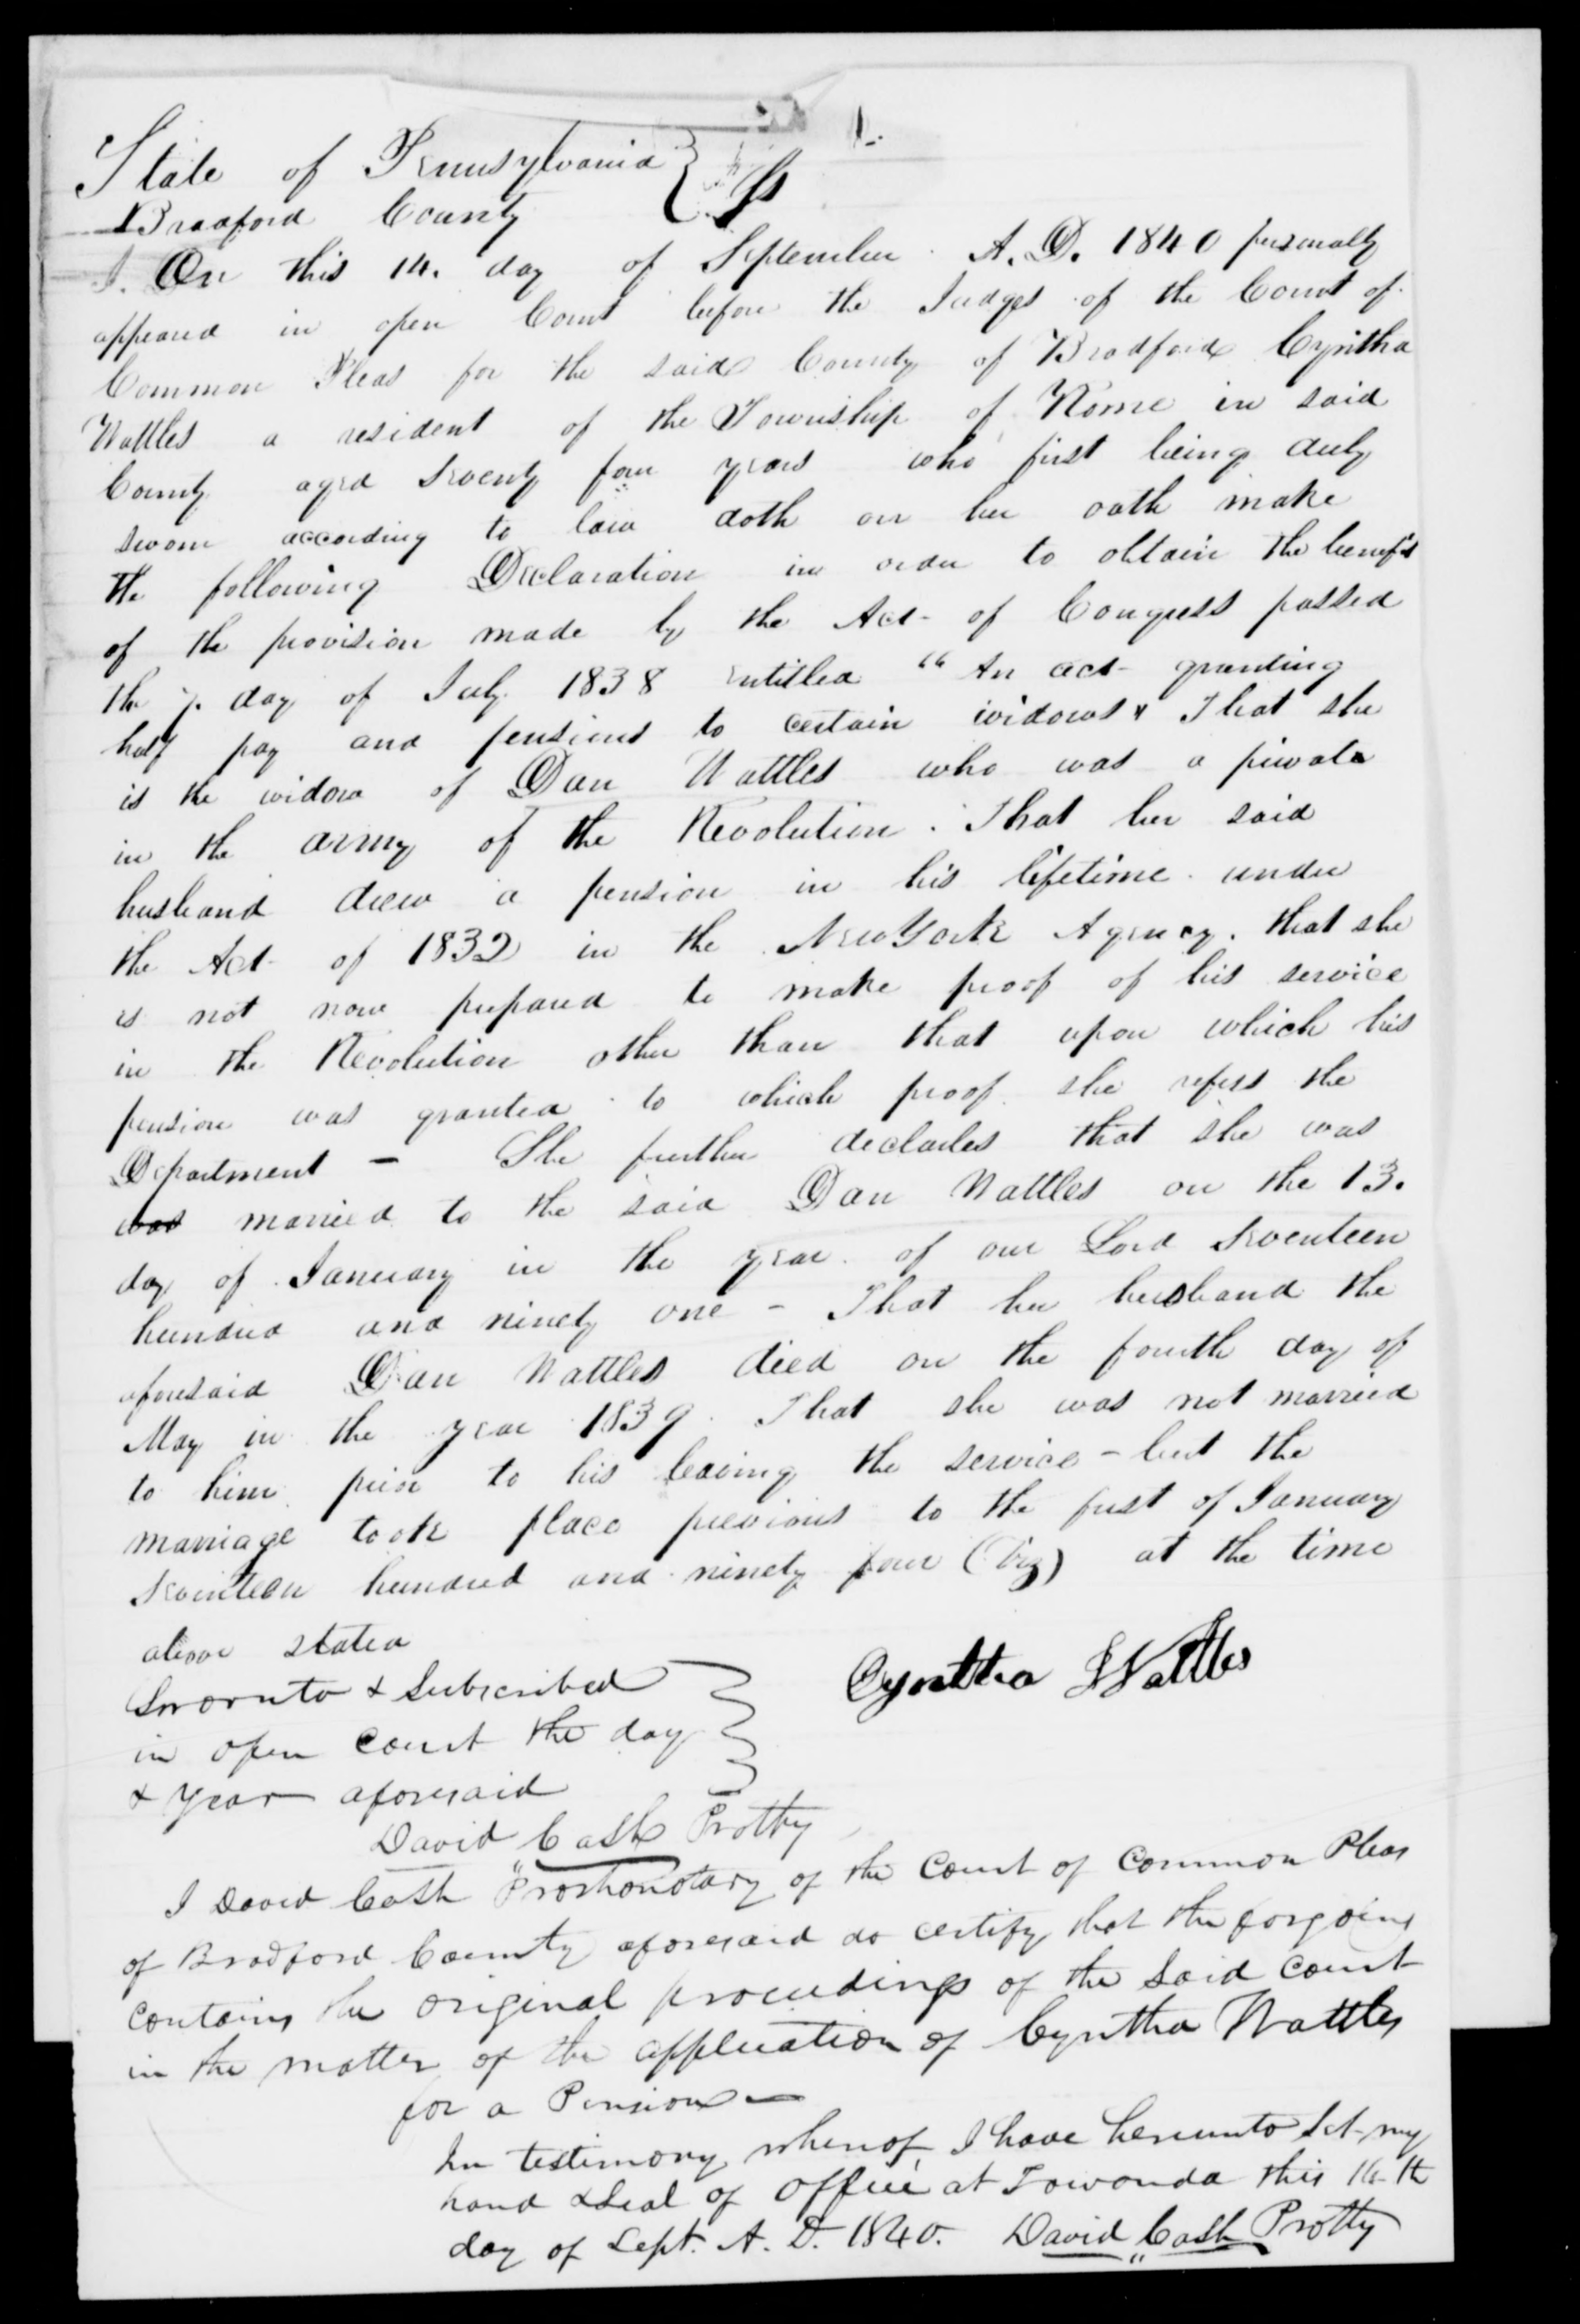State of Pennsylvania }
Bradford County } Ss
On this 14 day of September A.D. 1840 personally appeared in open Court before the Judges of the Court of Common Pleas for the said County of Bradford Cyntha Wattles resident of the Township of Rome in said County aged seventy four years who first being duly sworn according to law doth on her oath make the following Declaration in order to obtain the benefit the the provision made by the Act of Congress passed the 7 day of July 1838 entitled "An act granting half pay and pensions to certain widows. That she is the widow of Dan Wattles who was a private in the army of the Revolution. That her said husband drew a pension in his lifetime under the Act of 1832 in the New York Agency, that she is not now prepared to make proof of his service in the Revolution other than that upon which his pension was granted to which proof she refers the Department - She further declares that she was married to the said Dan Wattles on the 13. day of January in the year of our Lord Seventeen hundred and ninety one - That her husband the aforesaid Dan Wattles died on the fourth day of May in the year 1839. That she was not married to him prior to his leaving the service - but the marriage took place previous to the first of January Seventeen hundred and ninety four (viz) at the time above stated
Cyntha Wattles

Sworn to & subscribed in open Court the day & year aforesaid
David Cash Prothy

I David Cath Prothonotary of the Court of Common Pleas of Bradford County aforesaid do certify that the forgoing contains the original proceedings of the said Court in the matter of the application of Cyntha Wattles for a Pension-

In testimony whereof I have hereunto set my hand & Seal of Office at Towanda this 14th day of Sept. A. D. 1840. 
David Cash Prothy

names: Dan Wattles, David Cash, Cyntha Wattles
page: 13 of 70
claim: widow's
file: W. 3743, Dan Wattles, Conn.